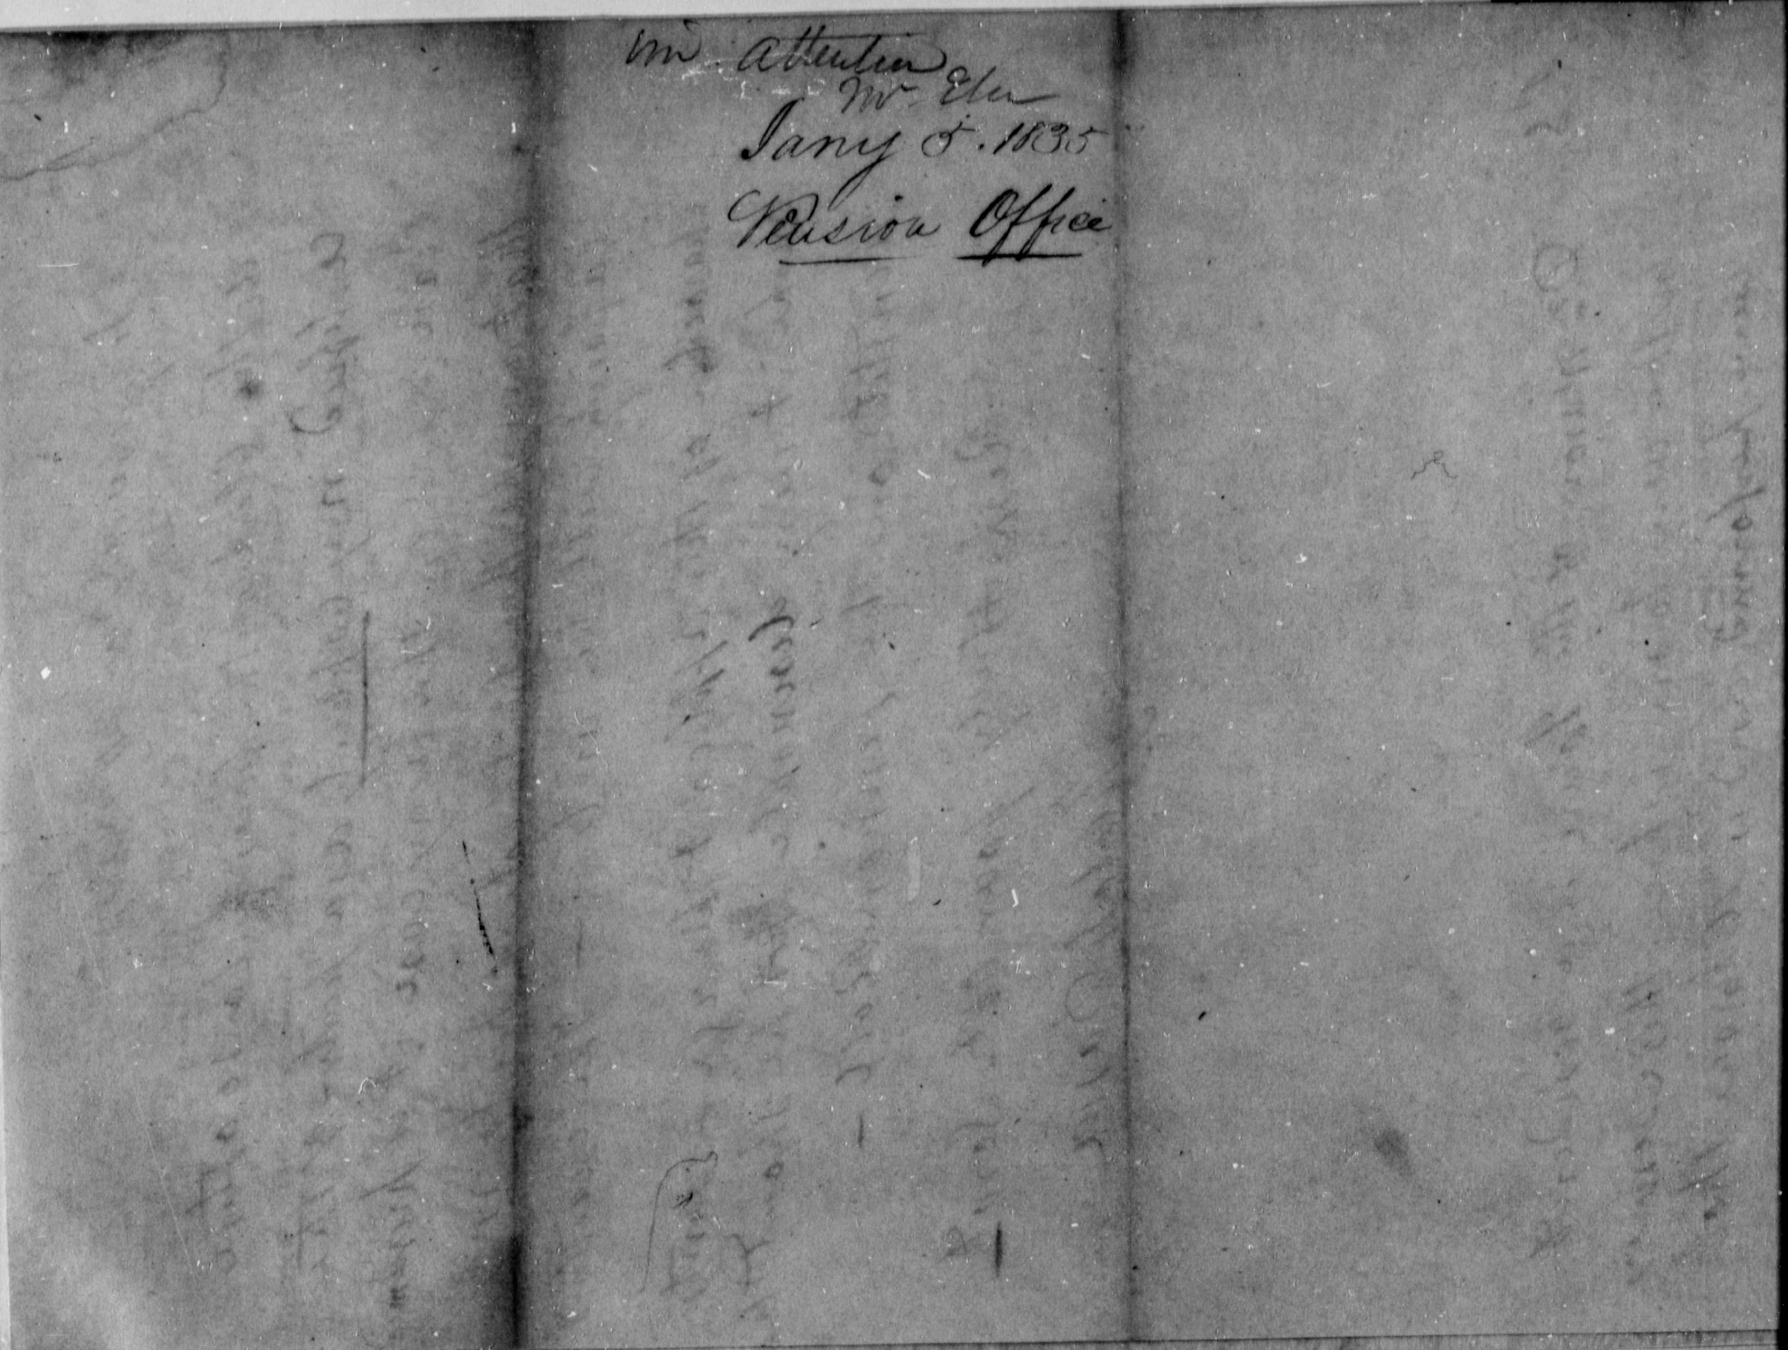Attention
Mr. Eler
Jan'y 3rd, 1835
Pension Office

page: 40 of 86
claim: survivor's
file: S 29,568, Isaac Abbot, Mass